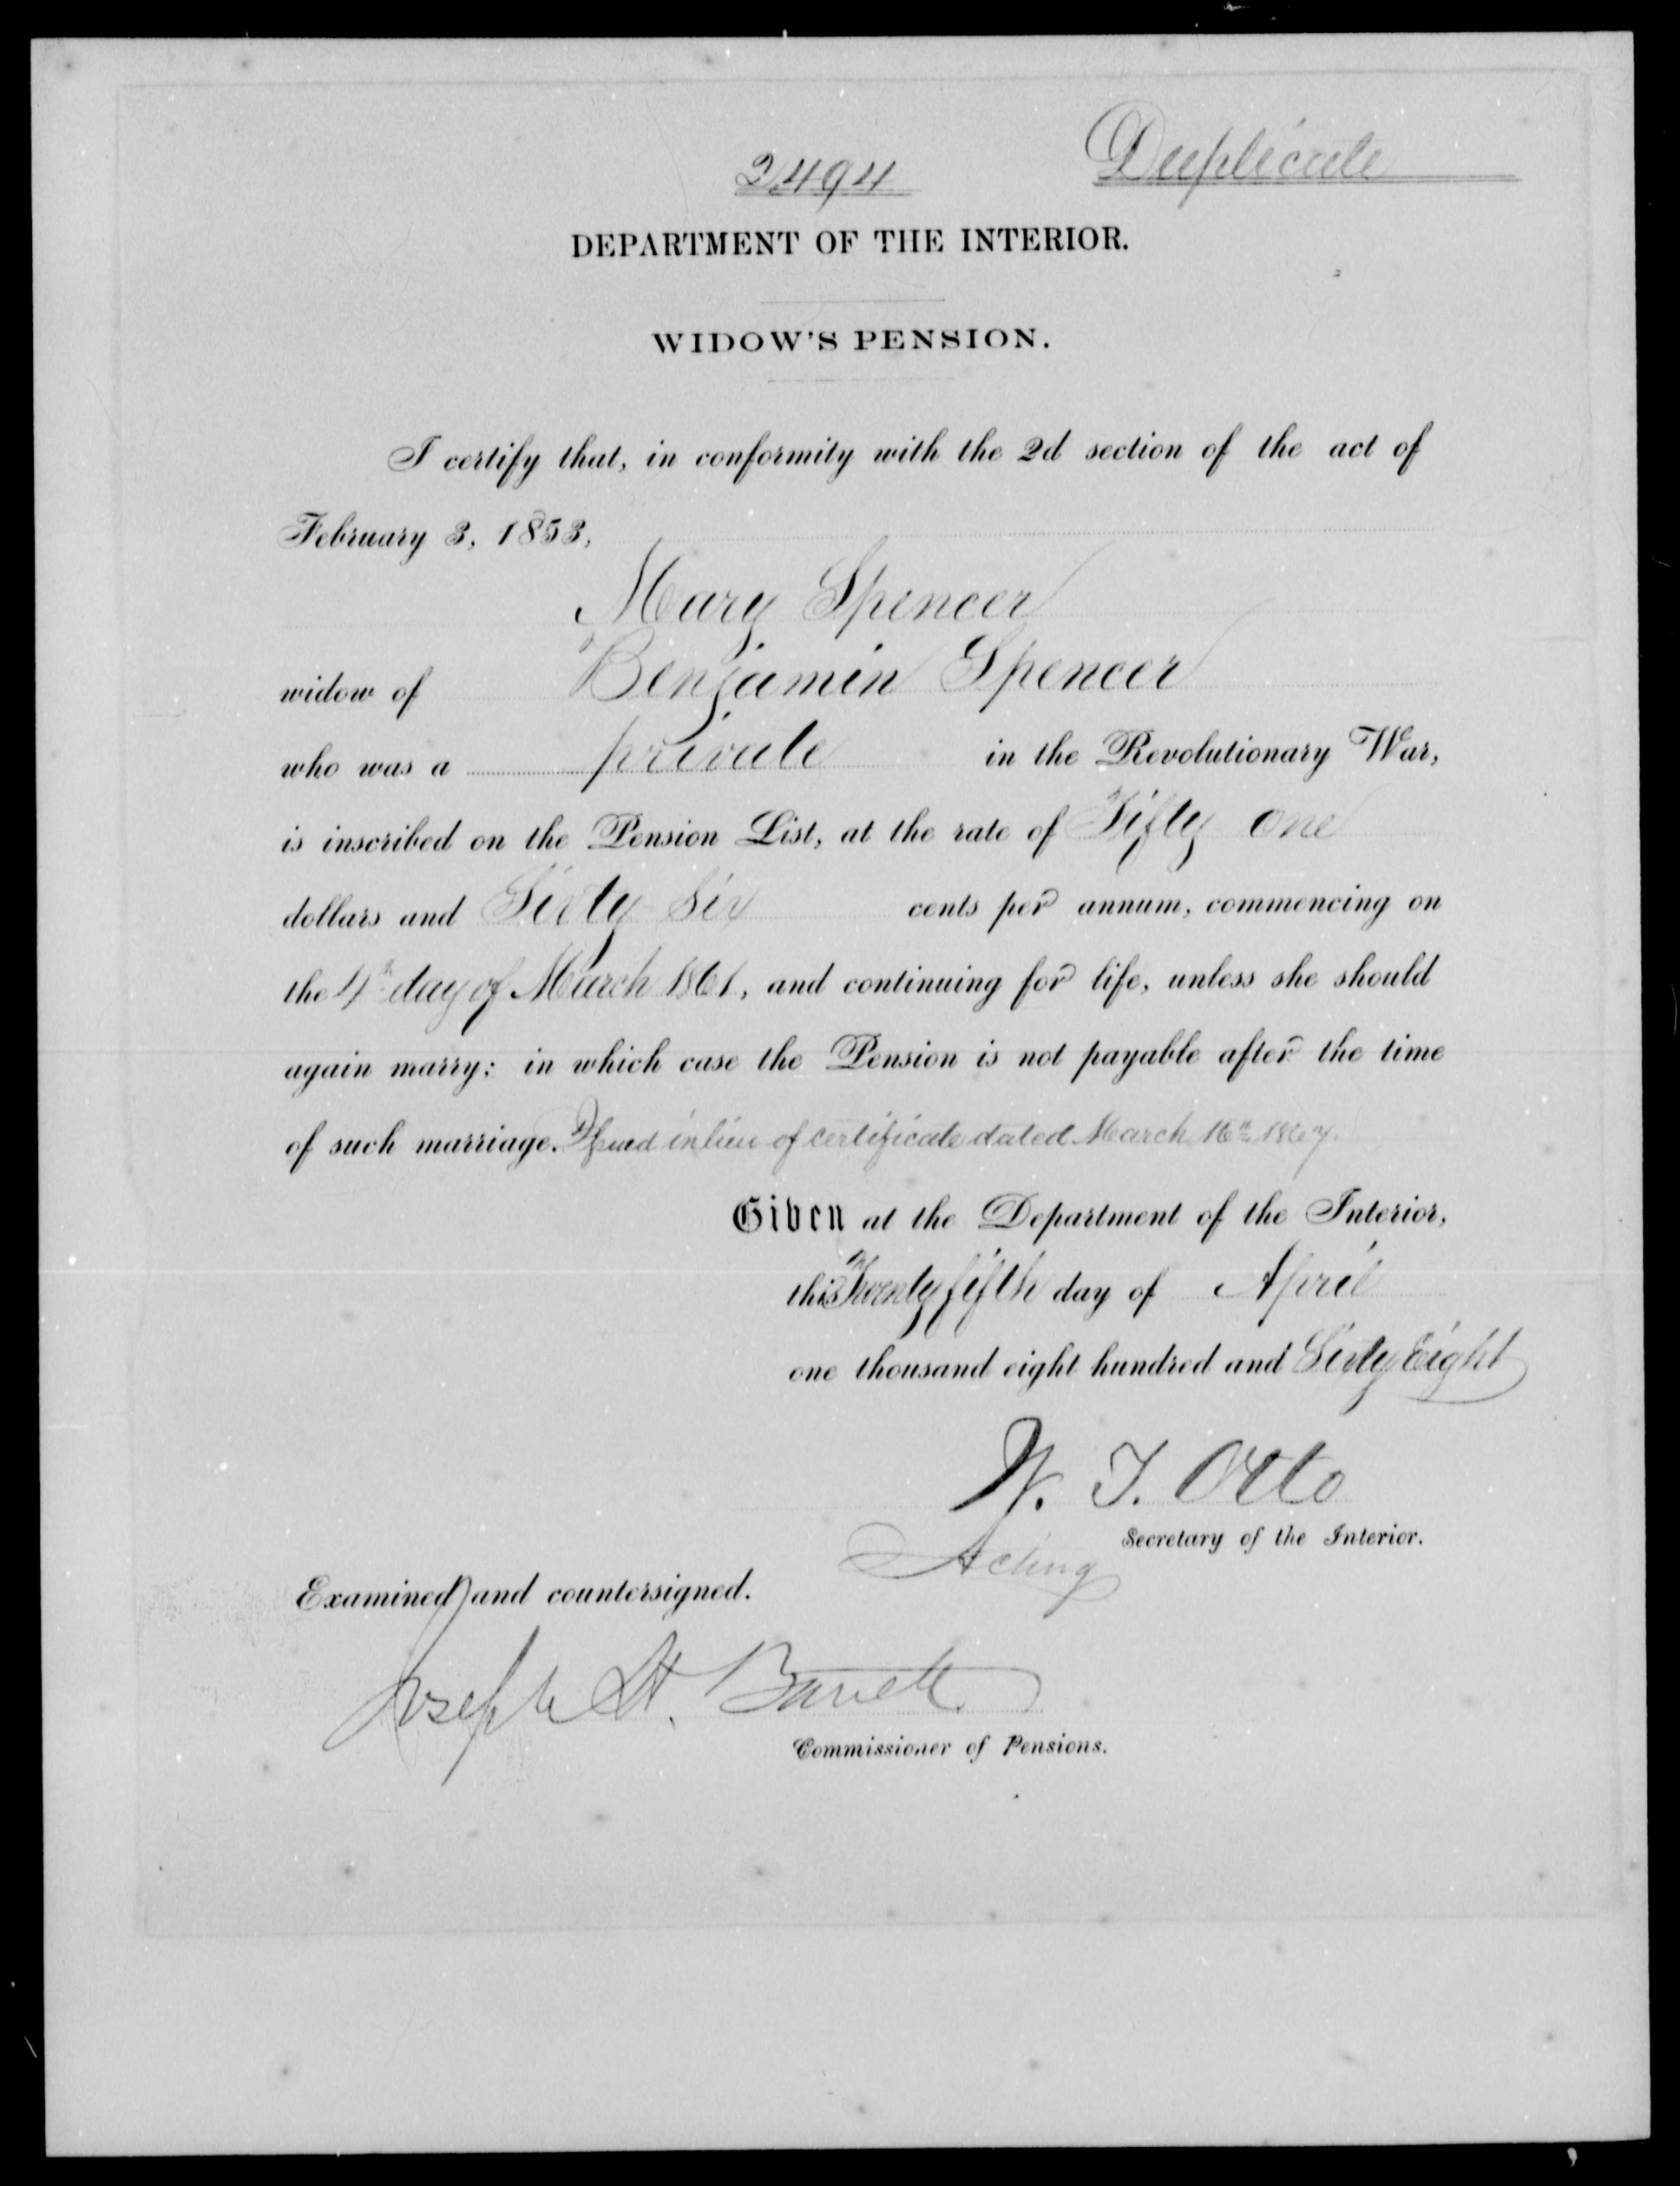Duplicate
2494
DEPARTMENT OF THE INTERIOR.
WIDOW'S PENSION.
I certify that in conformity with the 2d section of the act of
February 3, 1853,
Mary Spencer
widow of Benjamin Spencer
who was a private
in the Revolutionary War,
is inscribed on the Pension List, at the rate of Fifty one dollars and Sixty Six
cents per annum, commencing on
the 4th day of March 1861, and continuing for life, unless she should
again marry; in which case the Pension is not payable after the time
of such marriage Issued in lieu of certificate dated March 16. 1867.
Given at the Department of the Interior
the Twenty fifth day of April
one thousand eight hundred and Sixty Eight
W. T. Otto
Acting Secretary of the Interior.
Examined and countersigned.
Joseph H. Barnett
Commissioner of Pensions.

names: Joseph H Barrett; Mary Spencer; Benjamin Spencer; W T Otto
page: 38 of 63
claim: widow's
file: W. 6158, for Benjamin Spencer, North Carolina